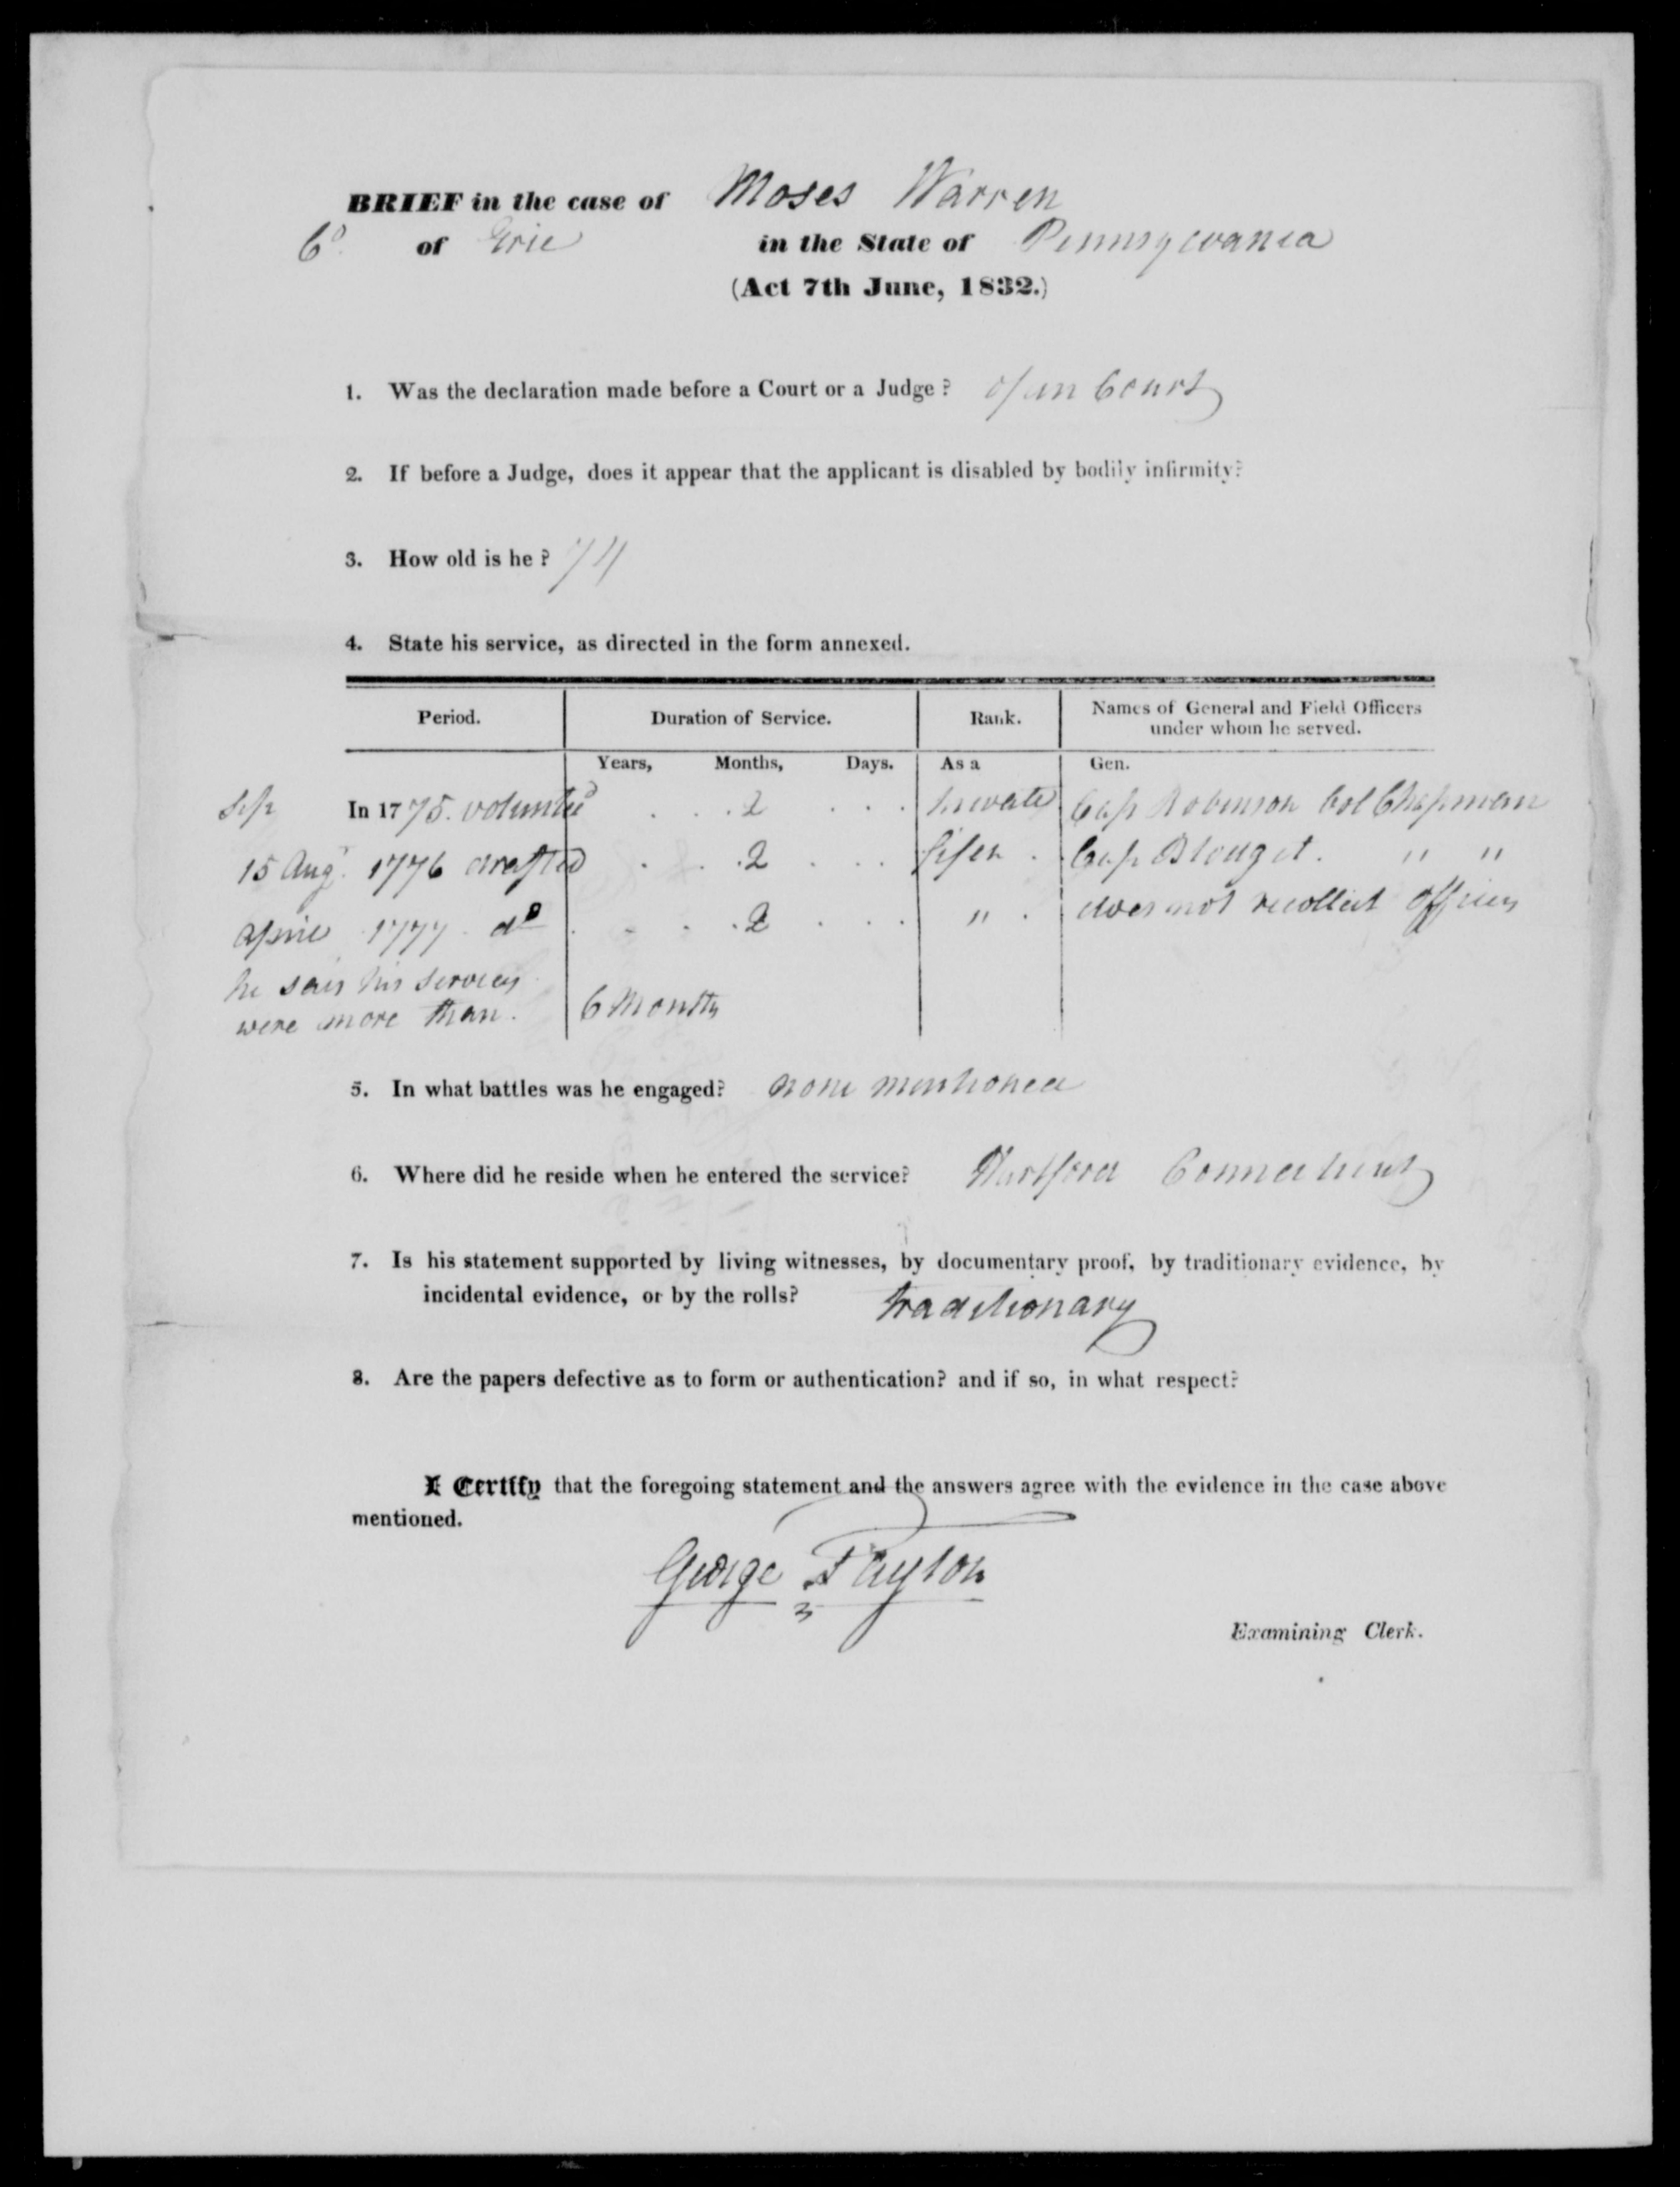Brief in the case of Moses Warren
69     of Erie in the state of Pennsylvania
(Act 7th June, 1832.)

1.  Was the declaration made before a Court or Judge?  Open Court
2.  If before a Judge, does it appear that the applicant is disabled by bodily infirmity?
3.  How old is he? 74
4.  State his service as directed in the form annexed.
Period.                  Duration of Service.             Rank.             Names of General  and Field Officers           
                                                                                                        under who he served.
                                 Years, Months, Days          As a            Gen.
Sep In 1775 volunteer'd......2................        Private  ......     Cap Robinson Col Chapman
15 Augt 1776 drafted..........2................         Fifer.....            Cap Blouget
April 1777 dd..............2..................                "............           does not recollect officers
he said his services
were more than......6 months

5.  In what battles was he engaged?  none mentioned
6.  Where did he reside when he entered the service?  Hartford Connecticut
7.  Is his statement supported by living witnesses, by documentary proof, by traditional evidence, by
     incidental evidence, or by the rolls?     Traditionary
8.  Are  the papers defective as to form or authentication? and if so, in what respect?
I Certify that the foregoing statement and the answers agree with the evidence in the case above
mentioned.
George Taylor   Examining Clerk.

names: George Taylor, Chapman, Moses Warren, Robinson, Blodget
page: 10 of 40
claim: widow's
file: W. 3742, Moses Warner, Conn.